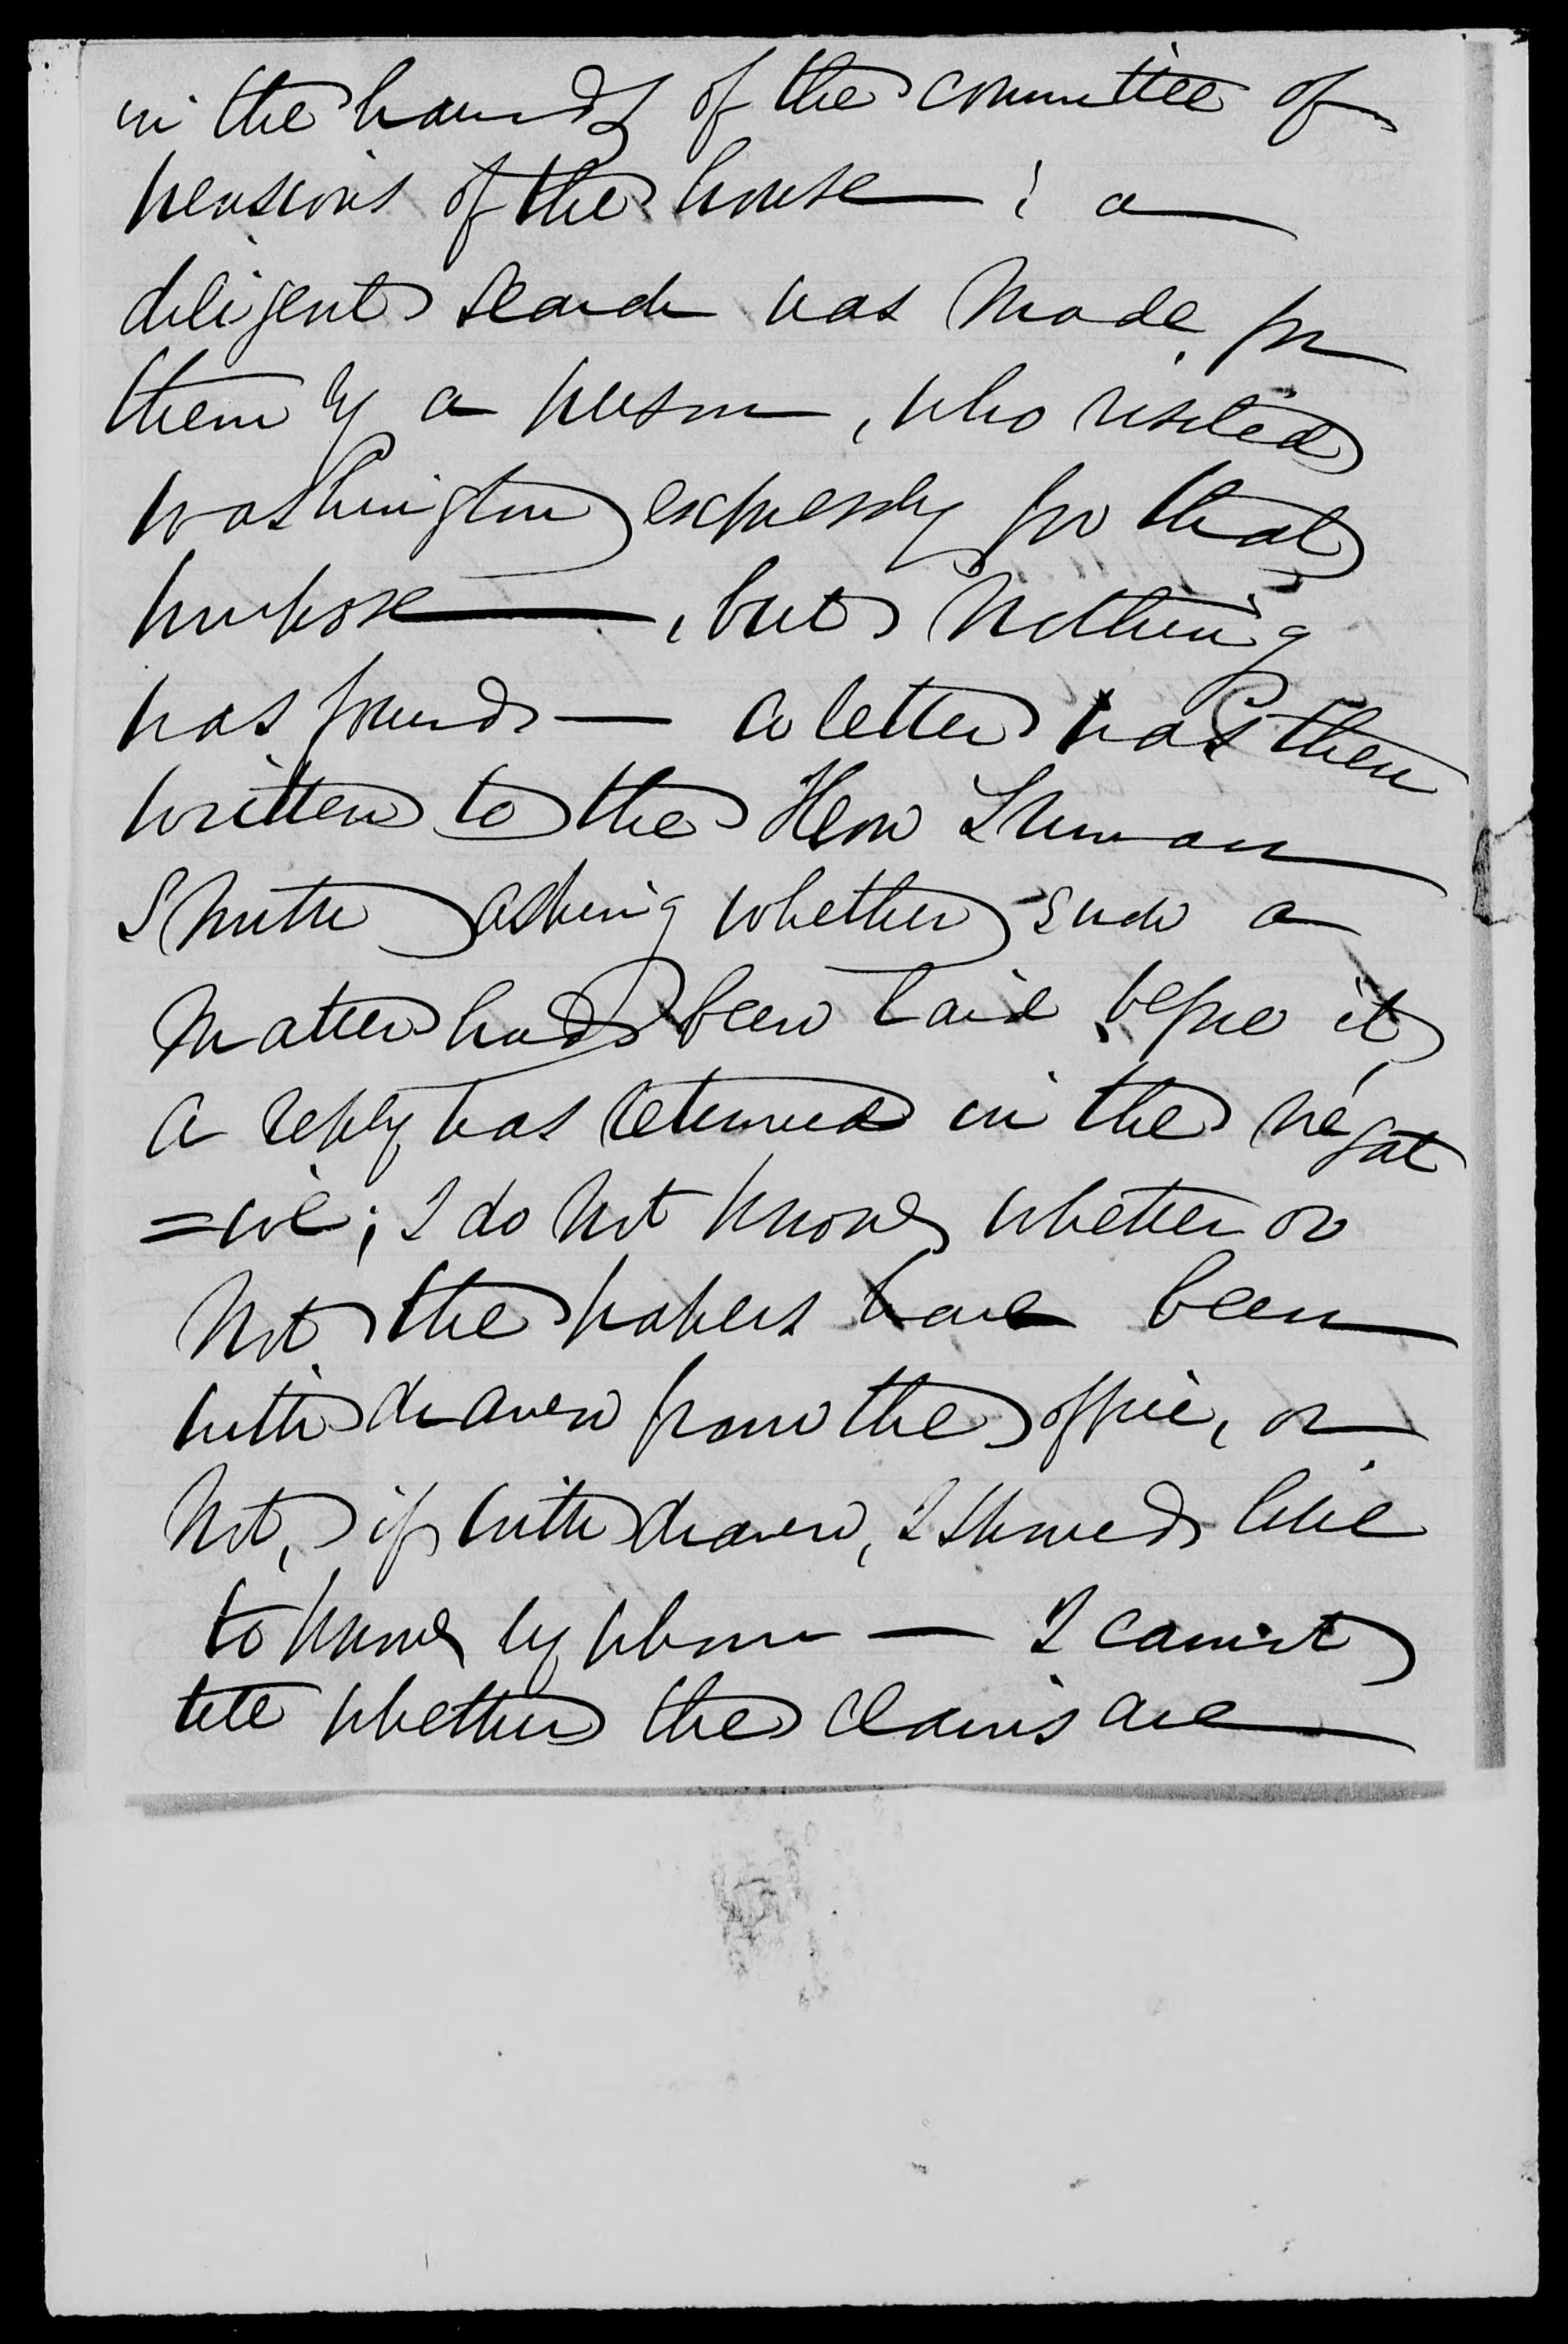in the hands of the committee of pensions of the house; a diligent search was made from them by a person who visited Washington especially for that purpose, but nothing was found.  A letter was then written to the [illegible] asking whether such a matter had been laid before it.  A reply has returned in the [illegible].  I do not know whether or not the papers had been withdrawn from the office or not; if withdrawn I should [illegible] to have [illegible] - I cannot tell whether the claims are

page: 22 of 32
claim: rejected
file: R. 2795, Jesse Dazey, Del.